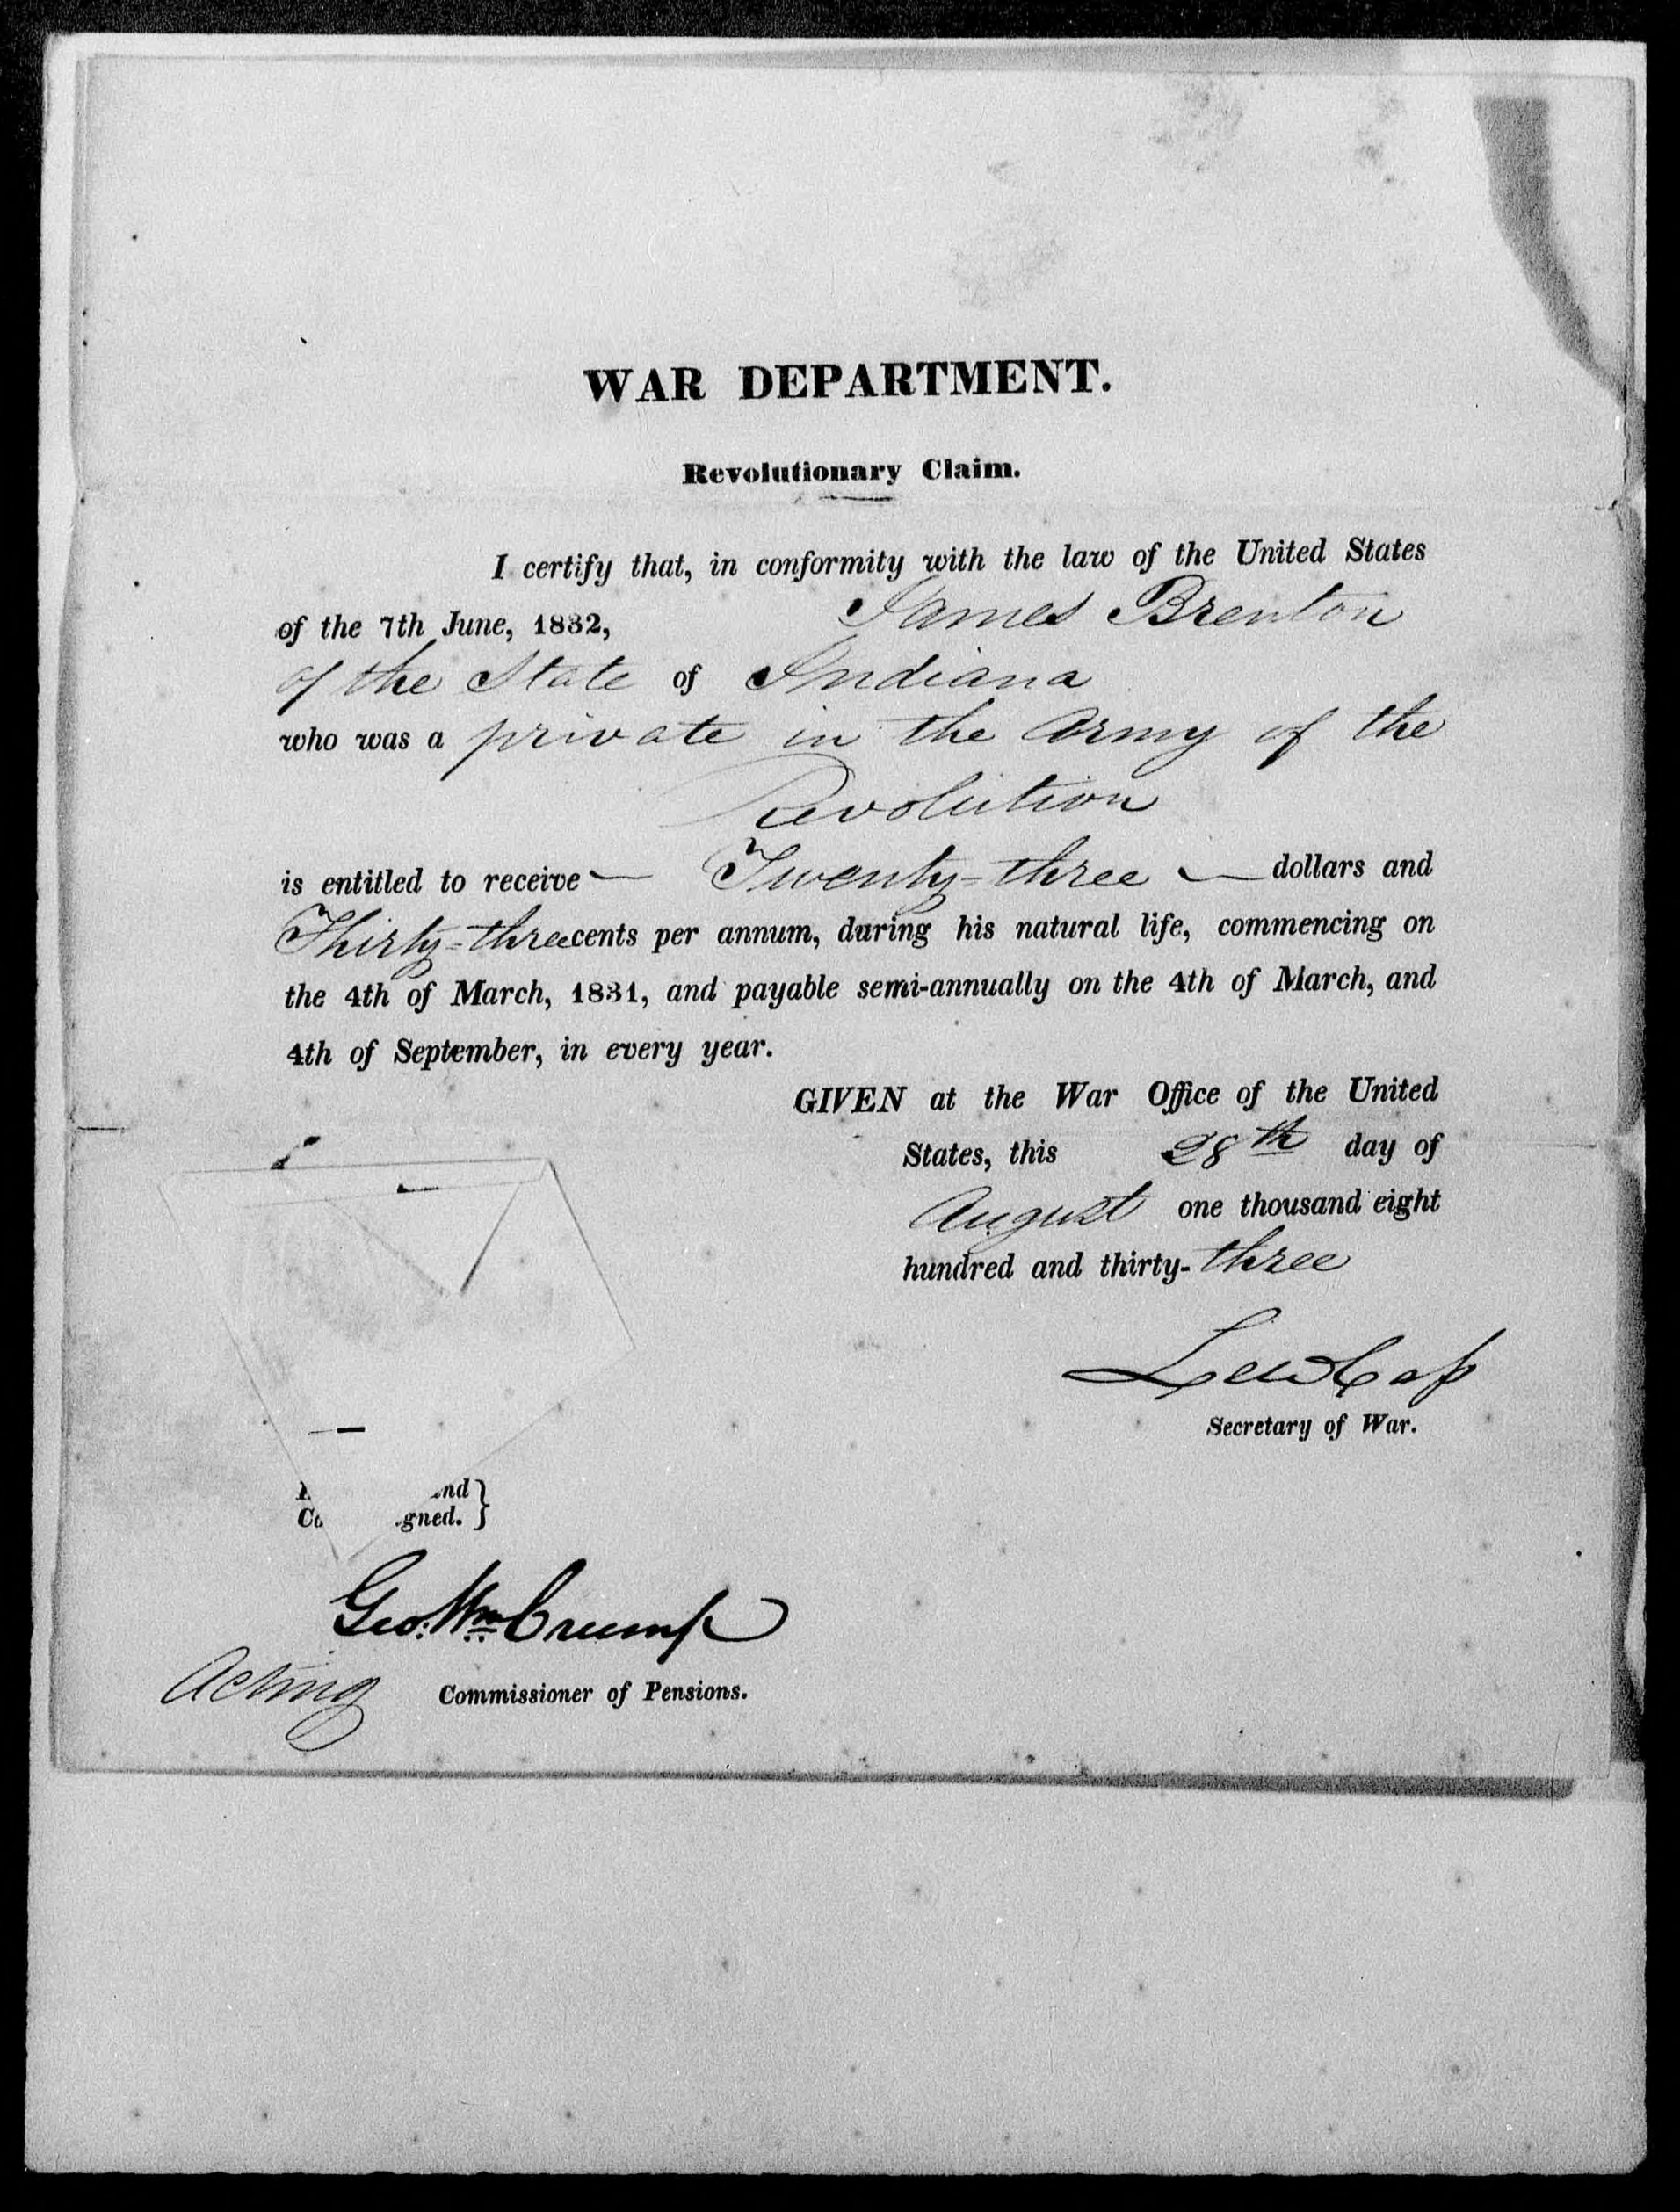WAR DEPARTMENT
Revolutionary Claim.
I certify that, in conformity with the law of the United States of the 7th June, 1832, James Brenton of the State of Indiana who was a private in the Army of the Revolution is entitled to receive Twenty-three dollars and thirty-three cents per annum, during his natural life, commencing on the 4th of March, 1831, and payable semi-annually on the 4th of March, and 4th of September, in every year.
Given at the War Office of the United States, this 28th day of August one thousand eight hundred and thirty-three
Lew Cass Secretary of War.
Geo. Wm. Crump
Acting Commissioner of Pensions.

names: Geo Wm Crump, James Brenton, Lew Cass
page: 27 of 49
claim: widow's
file: W. 2518, James Brenton, Va.